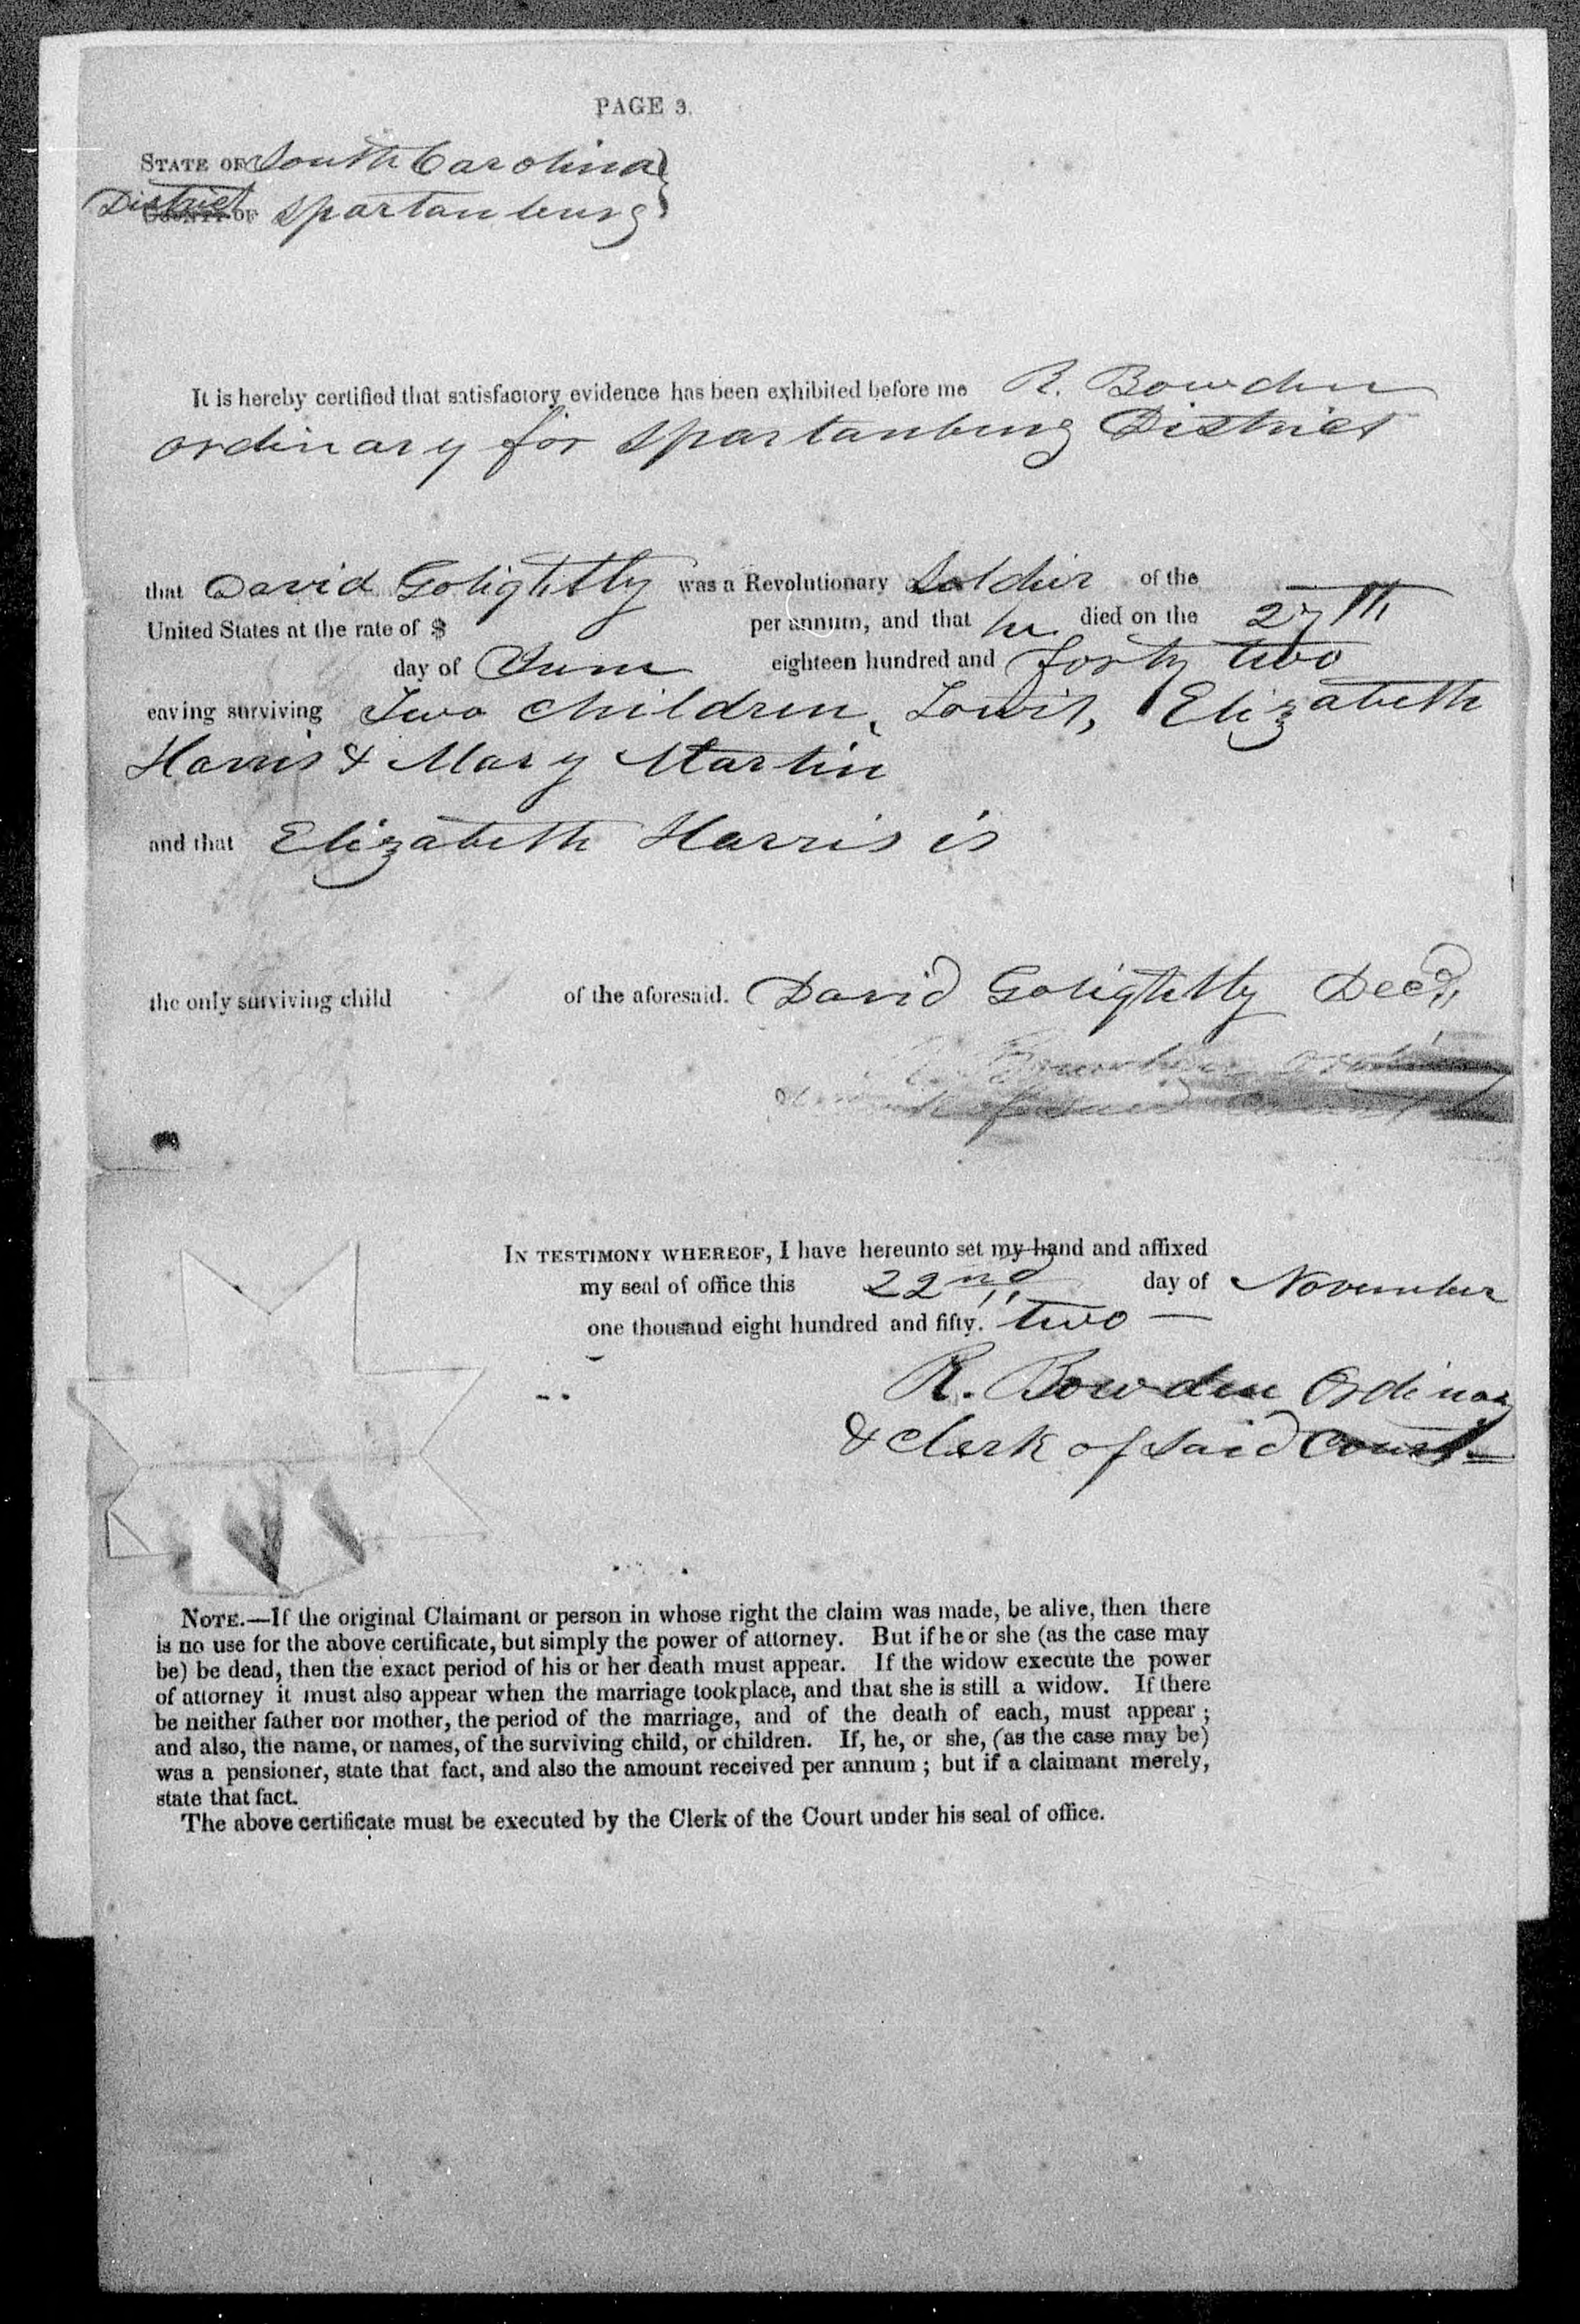PAGE 3.
STATE OF South Carolina
District Spartanburg

It is hereby certified that satisfactory evidence has been exhibited before me R. Bowden ordinary for Spartanburg District
that David Golightly was a Revolutionary Soldier of the United States at the rate of $ per annum, and that he died on the 27th day of June eighteen hundred and forty two 
leaving surviving two children, Louis, Elizabeth Harris, & Mary Martin
and that Elizabeth Harris is the only surviving child of aforesaid David Golightly dec'd 

   In testimony whereof, I have hereunto set my hand and affixed my seal of office his 22nd day of November one thousand eight hundred and fifty two.
   R. Bowden Ordinary
   & Clerk of said Court

   NOTE. -- If the original Claimant or person in whose right the claim was made, be alive, then there is no use for the above certificate, but simply the power of attorney. But if he or she (as the case may be) be dead, then the exact period of his or her death must appear. If the widow execute the power of attorney it must also appear when the marriage took place, and that she is still a widow. If there be neither father nor mother, the period of the marriage, and of the death of each, must appear and also, the name or names, of the surviving child or children. If, he, or she, (as the case may be)
was a pensioner, state that fact, and also the amount received per annum; but if a claimant merely, state that fact.

   The above certificate must be executed by the Clerk of the Court under his seal of office.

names: R Bowden, Elizabeth Harris, Mary Martin, R Bowden, Elizabeth Harris, David Golightly, David Golightly, Lowit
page: 9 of 57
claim: survivor's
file: S. 18888, David Golightly, S.C.